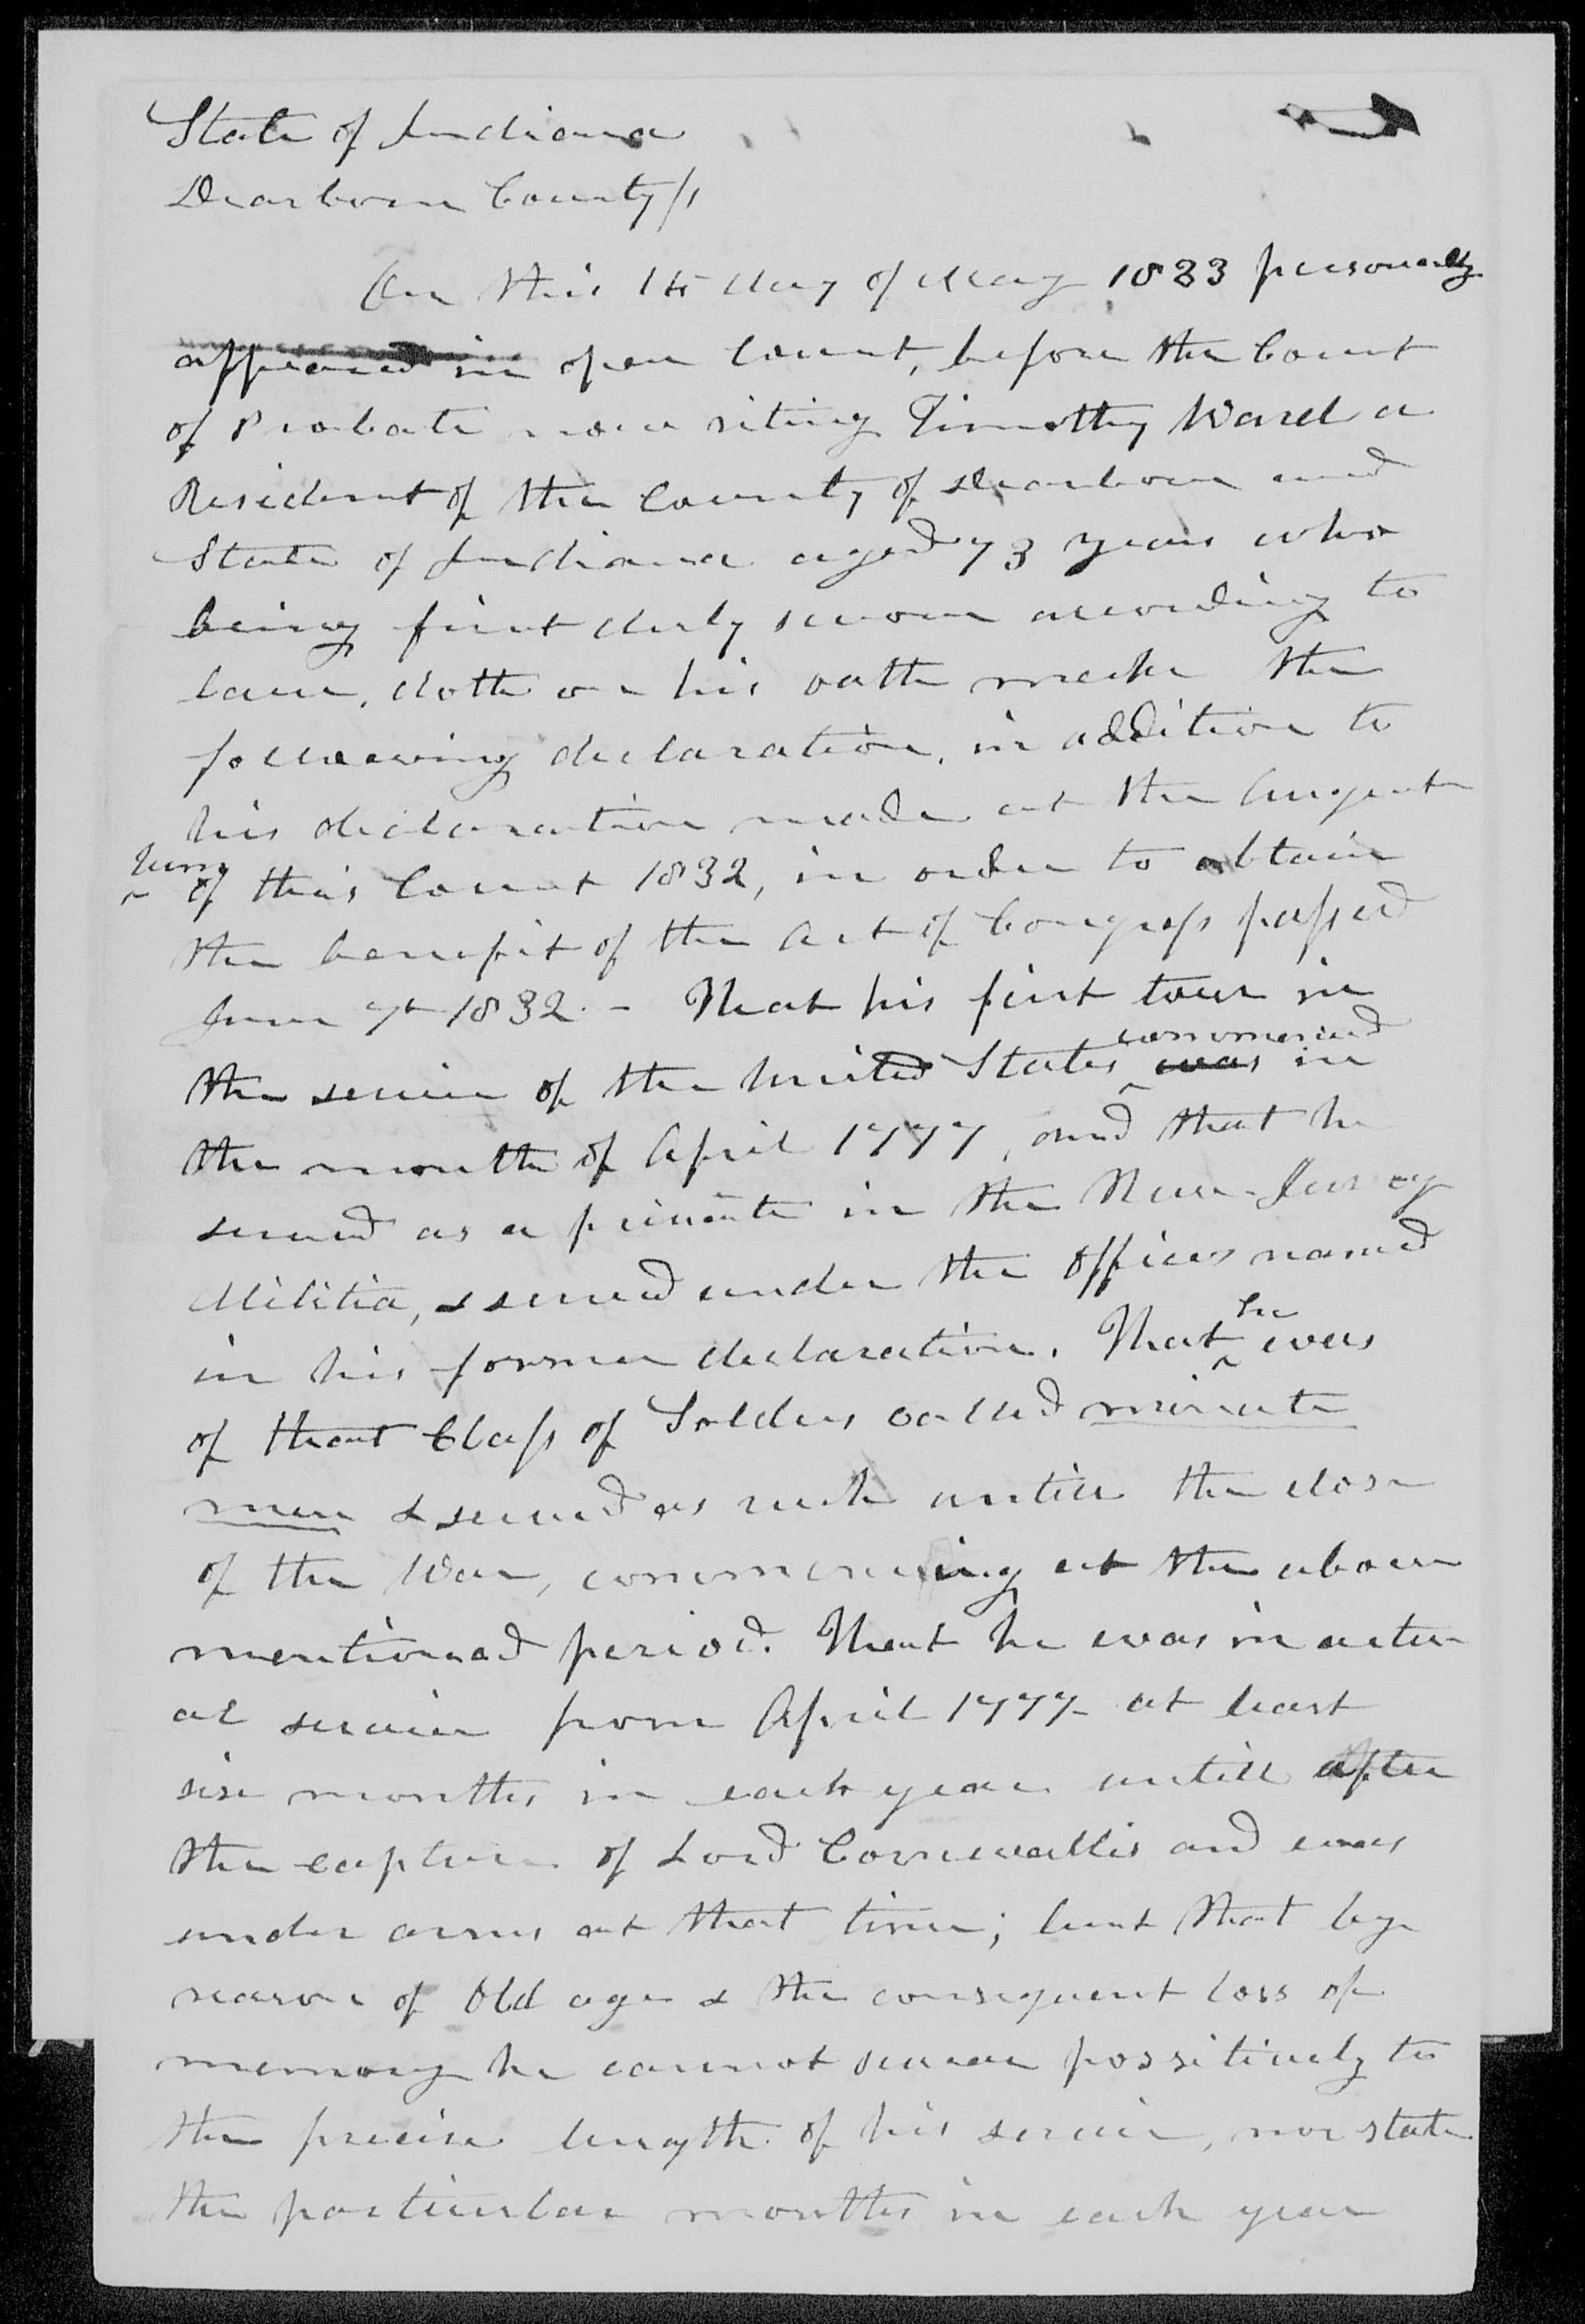State of Indiana 
Dearborn County ss
On this 14 day of May 1833 personally appeared in open Court, before the Court of Probate now siting Timothy Ward a Resident of the County of Dearborn and State of Indiana aged 73 years who being first duly sworn according to  law, doth on his oath make the following declaration, in addition to his declaration made at the August time of this Court 1832, in order to obtain the benefit of the act of Congress passed Jany 1832- That his first tour in the service of the United States commenced [crossed out 'was'] in the month of April 1777, and that he served as a private in the New Jersey Militia, & served under the offices named in his former declaration. That he was of  that class of Solders called minute men & served as such untill the close of the war, commencing at the above mentioned period. That he was in actual service from April 1777- at least six months in each year untill after the capture of Lord Cornwallis and was under arms at that time; but that by reason of old age & the consequent loss of memory he cannot swear possitively to the precise length of his service, nor state the particular months in each year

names: Cornwallis, Timothy Ward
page: 21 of 24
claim: survivor's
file: S. 17751, Timothy Ward, New Jersey